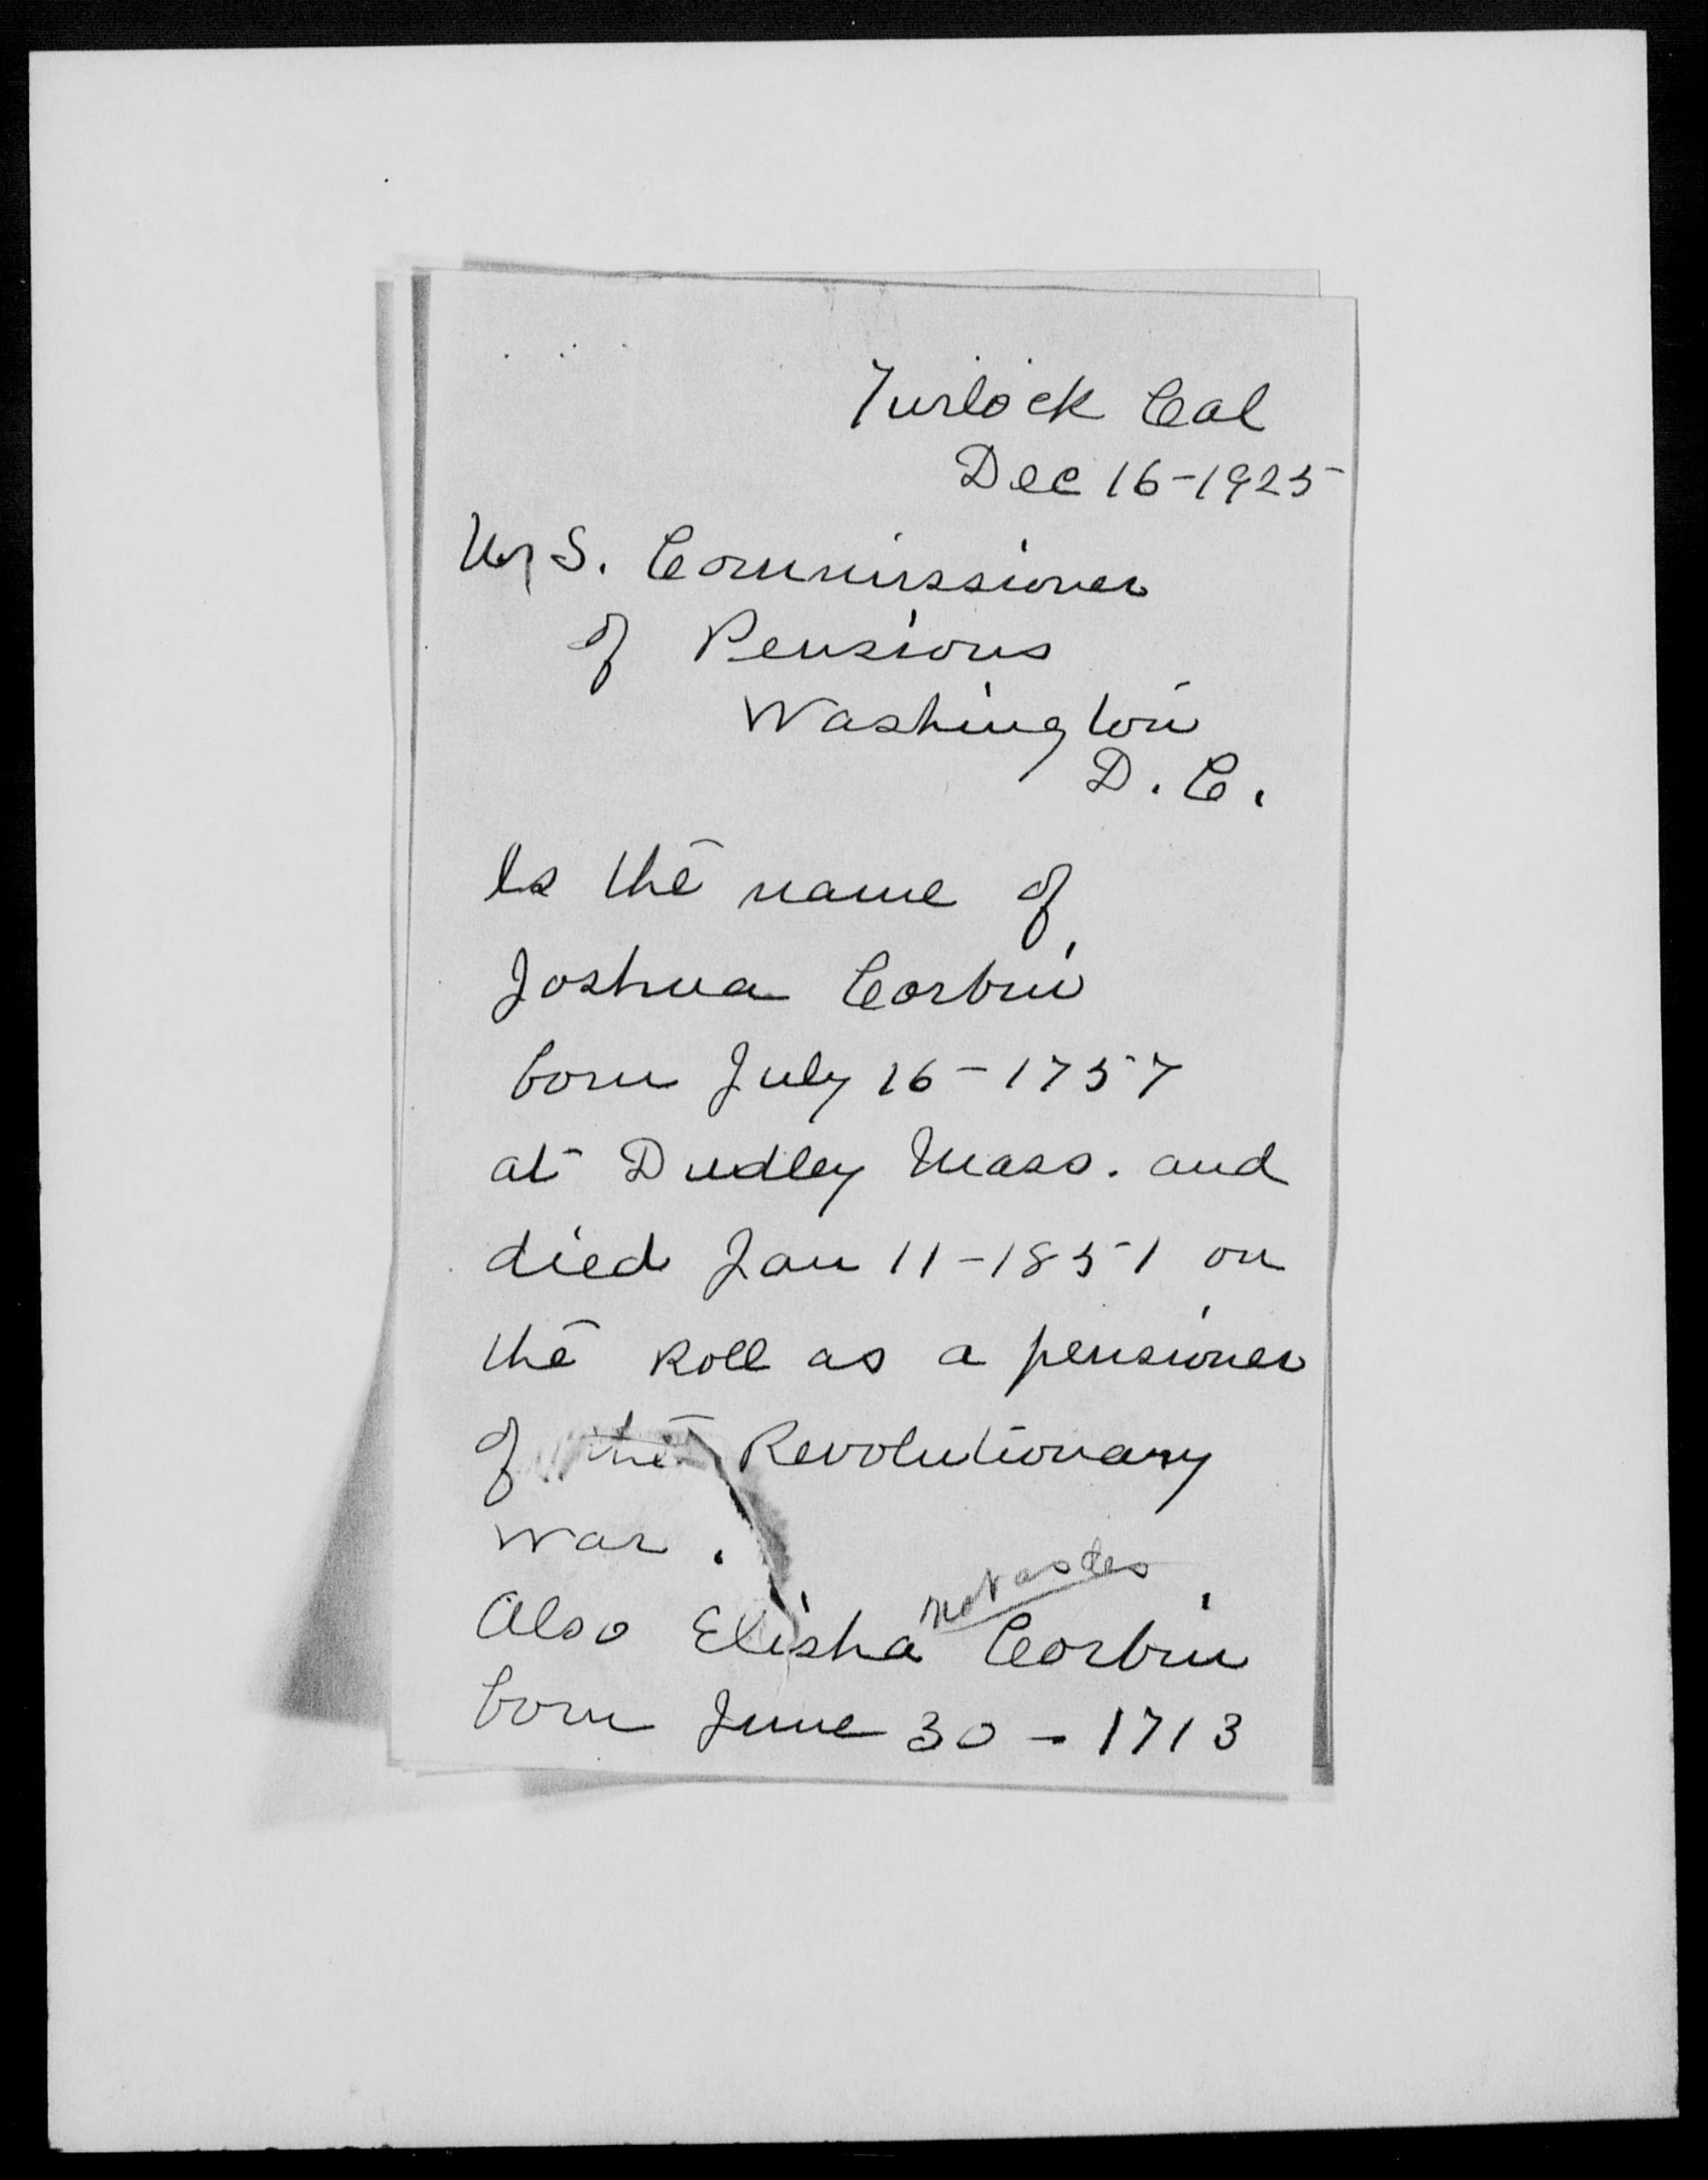U.S. Commissioner of Pensions
Washington D.C.

Is the name of Joshua Corbin born July 16-1757 at Dudley Mass. and died Jan 11-1851 on the roll as a pensioner of the Revolutionary War.
Also Elisha [not as des?] Corbin born June 30-1713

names: Elisha Corbin, Joshua Corbin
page: 25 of 34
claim: survivor's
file: S. 12581, Joshua Corbin, Mass.